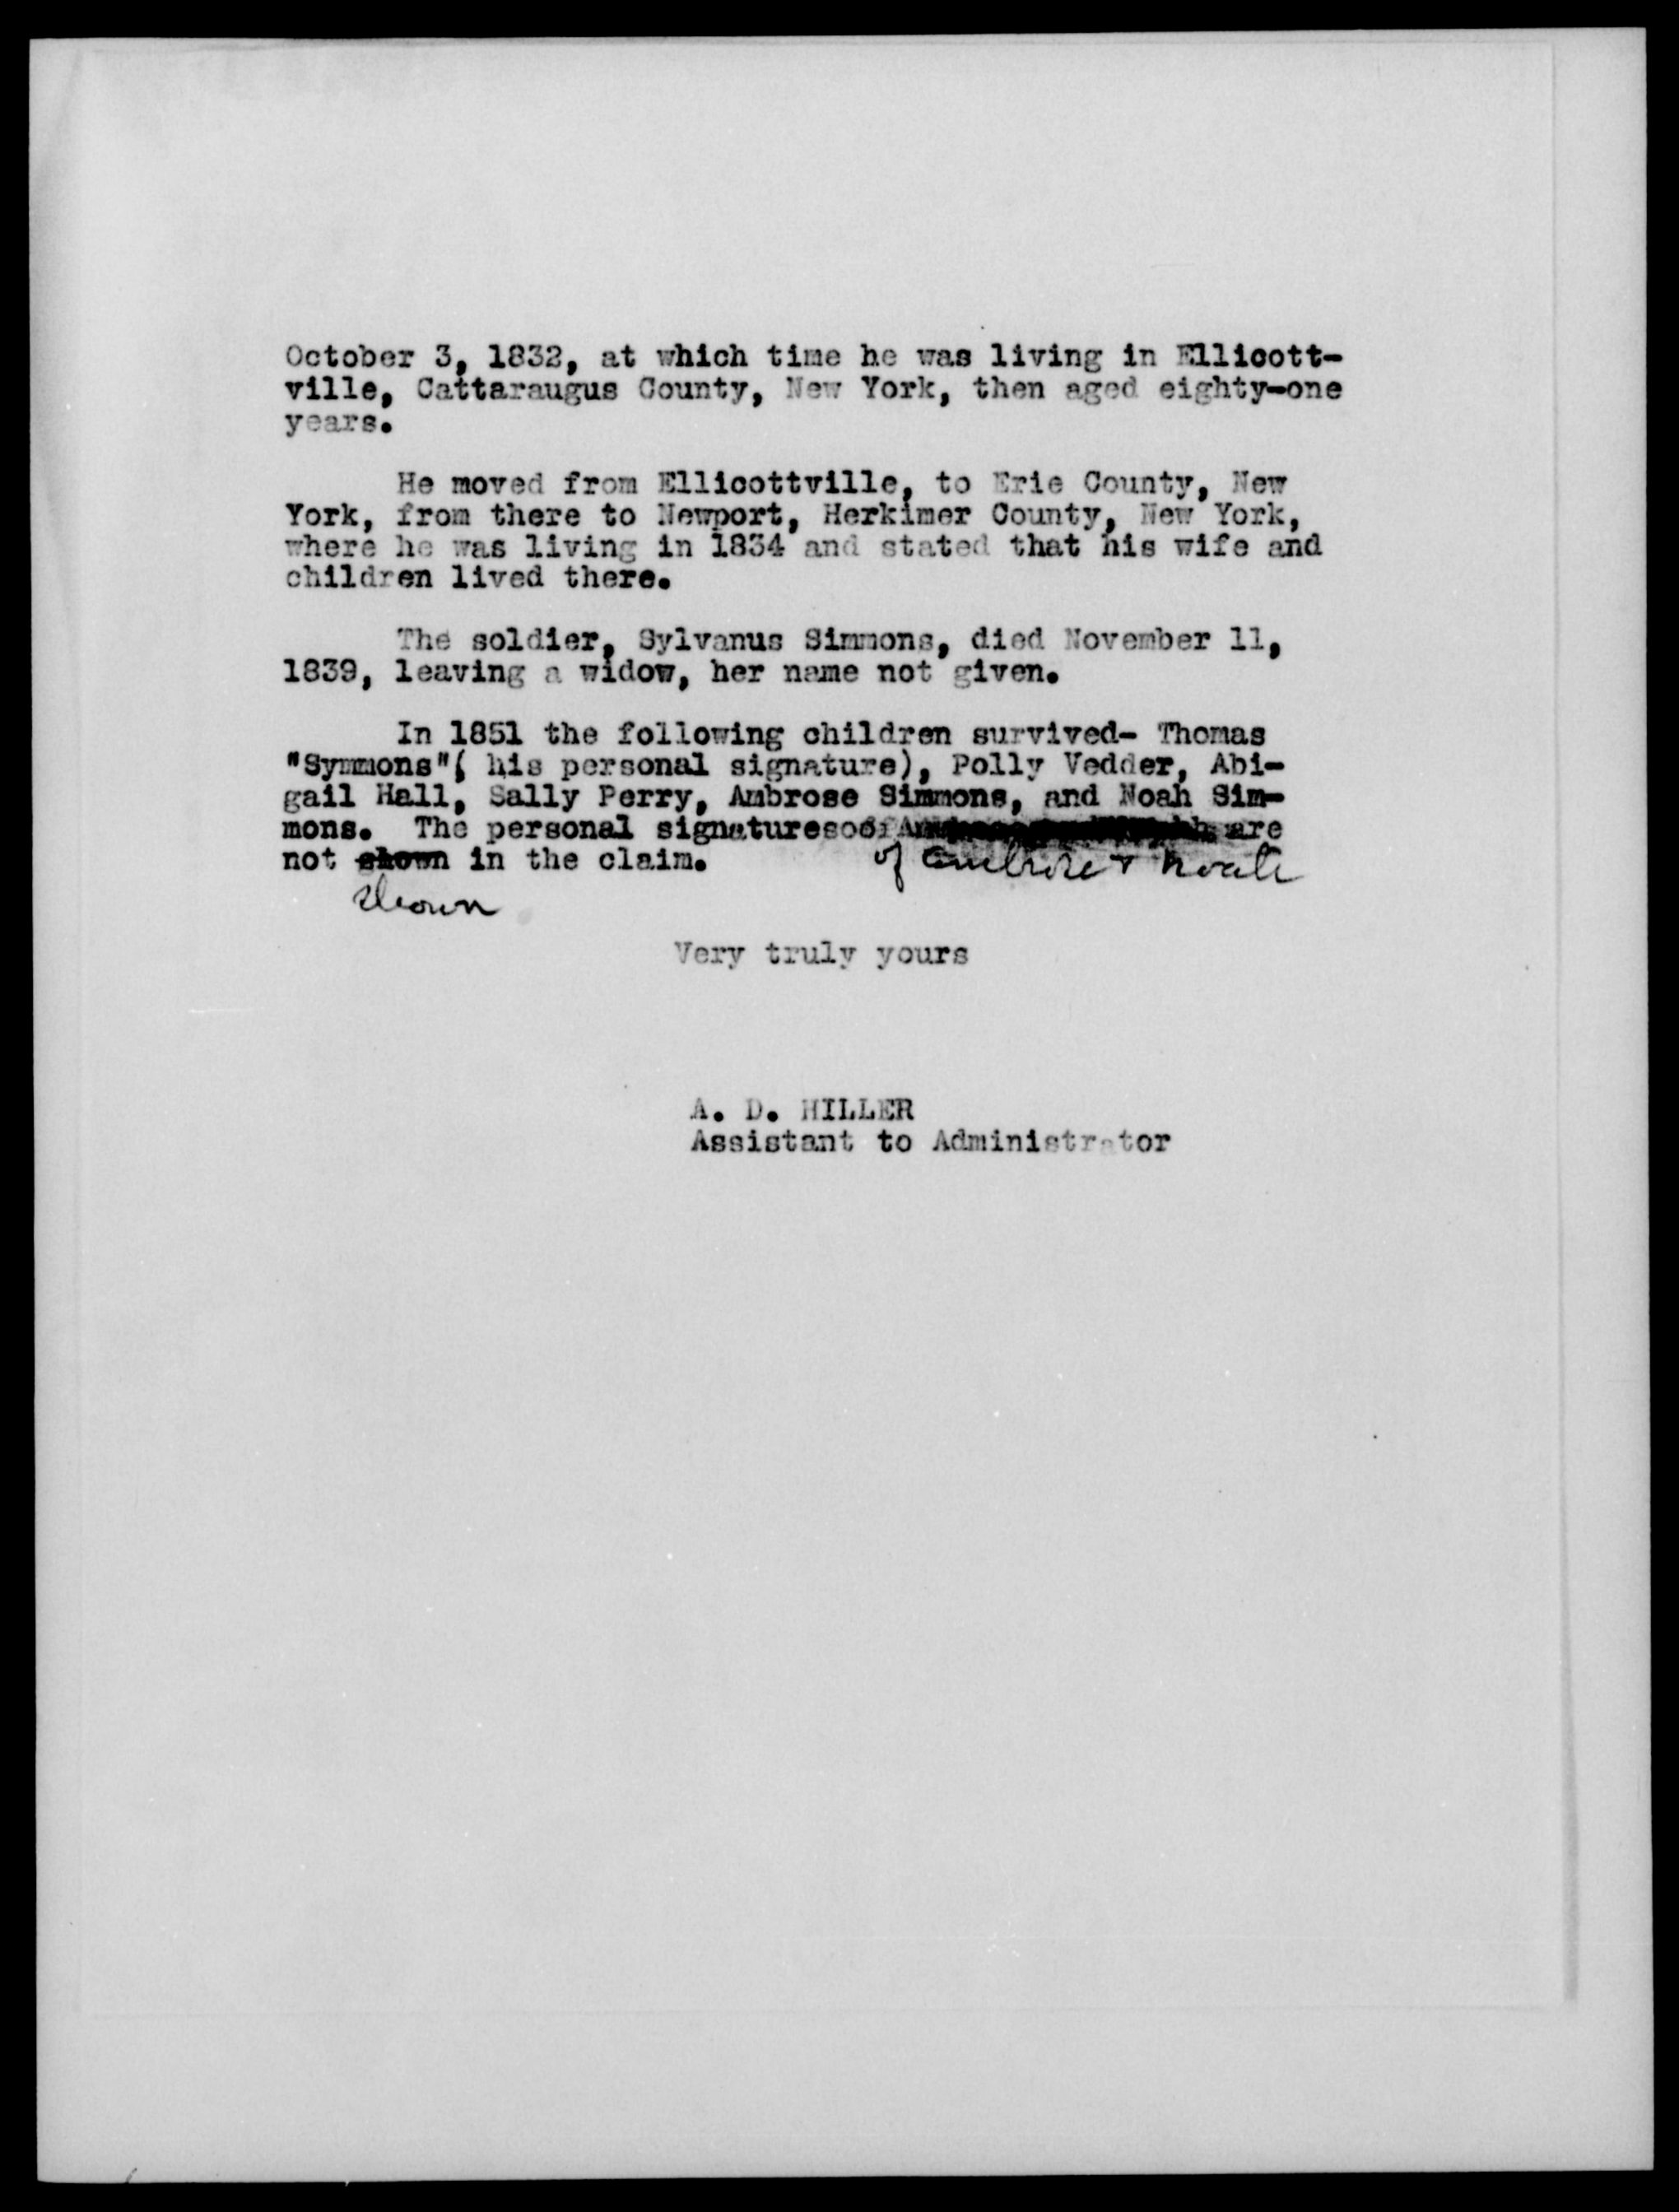October 3, 1832, at which time he was living in Ellicottville,
Cattaraugus County, New York, then aged eighty-one
years.

He moved from Ellicottville, to Erie County, New York, from there to Newport, Herkimer County, New York,
where he was living in 1834 and stated that his wife and
children lived there.

The soldier, Sylvanus Simmons, died November 11,
1839, leaving a widow, her name not given.

In 1851 the following children survived -Thomas
"Symmons"(his personal signature), Polly Vedder, Abigail
Hall, Sally Perry, Ambrose Simmons, and Noah
Simmons. The personal signatures of Ambrose & Noah
not shown in the claim.

Very truly yours
A. D. HILLER
Assistant to Administrator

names: Noah [BLANK]; Sylvanus Simmons; Abigail Hall; Ambrose [BLANK]; Thomas Symmons; Polly Vedder; Sally Perry; Noah Simmons; Ambrose Simmons; A D Hiller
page: 17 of 31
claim: survivor's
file: S. 14484, for Sylvanus Simmons, New York